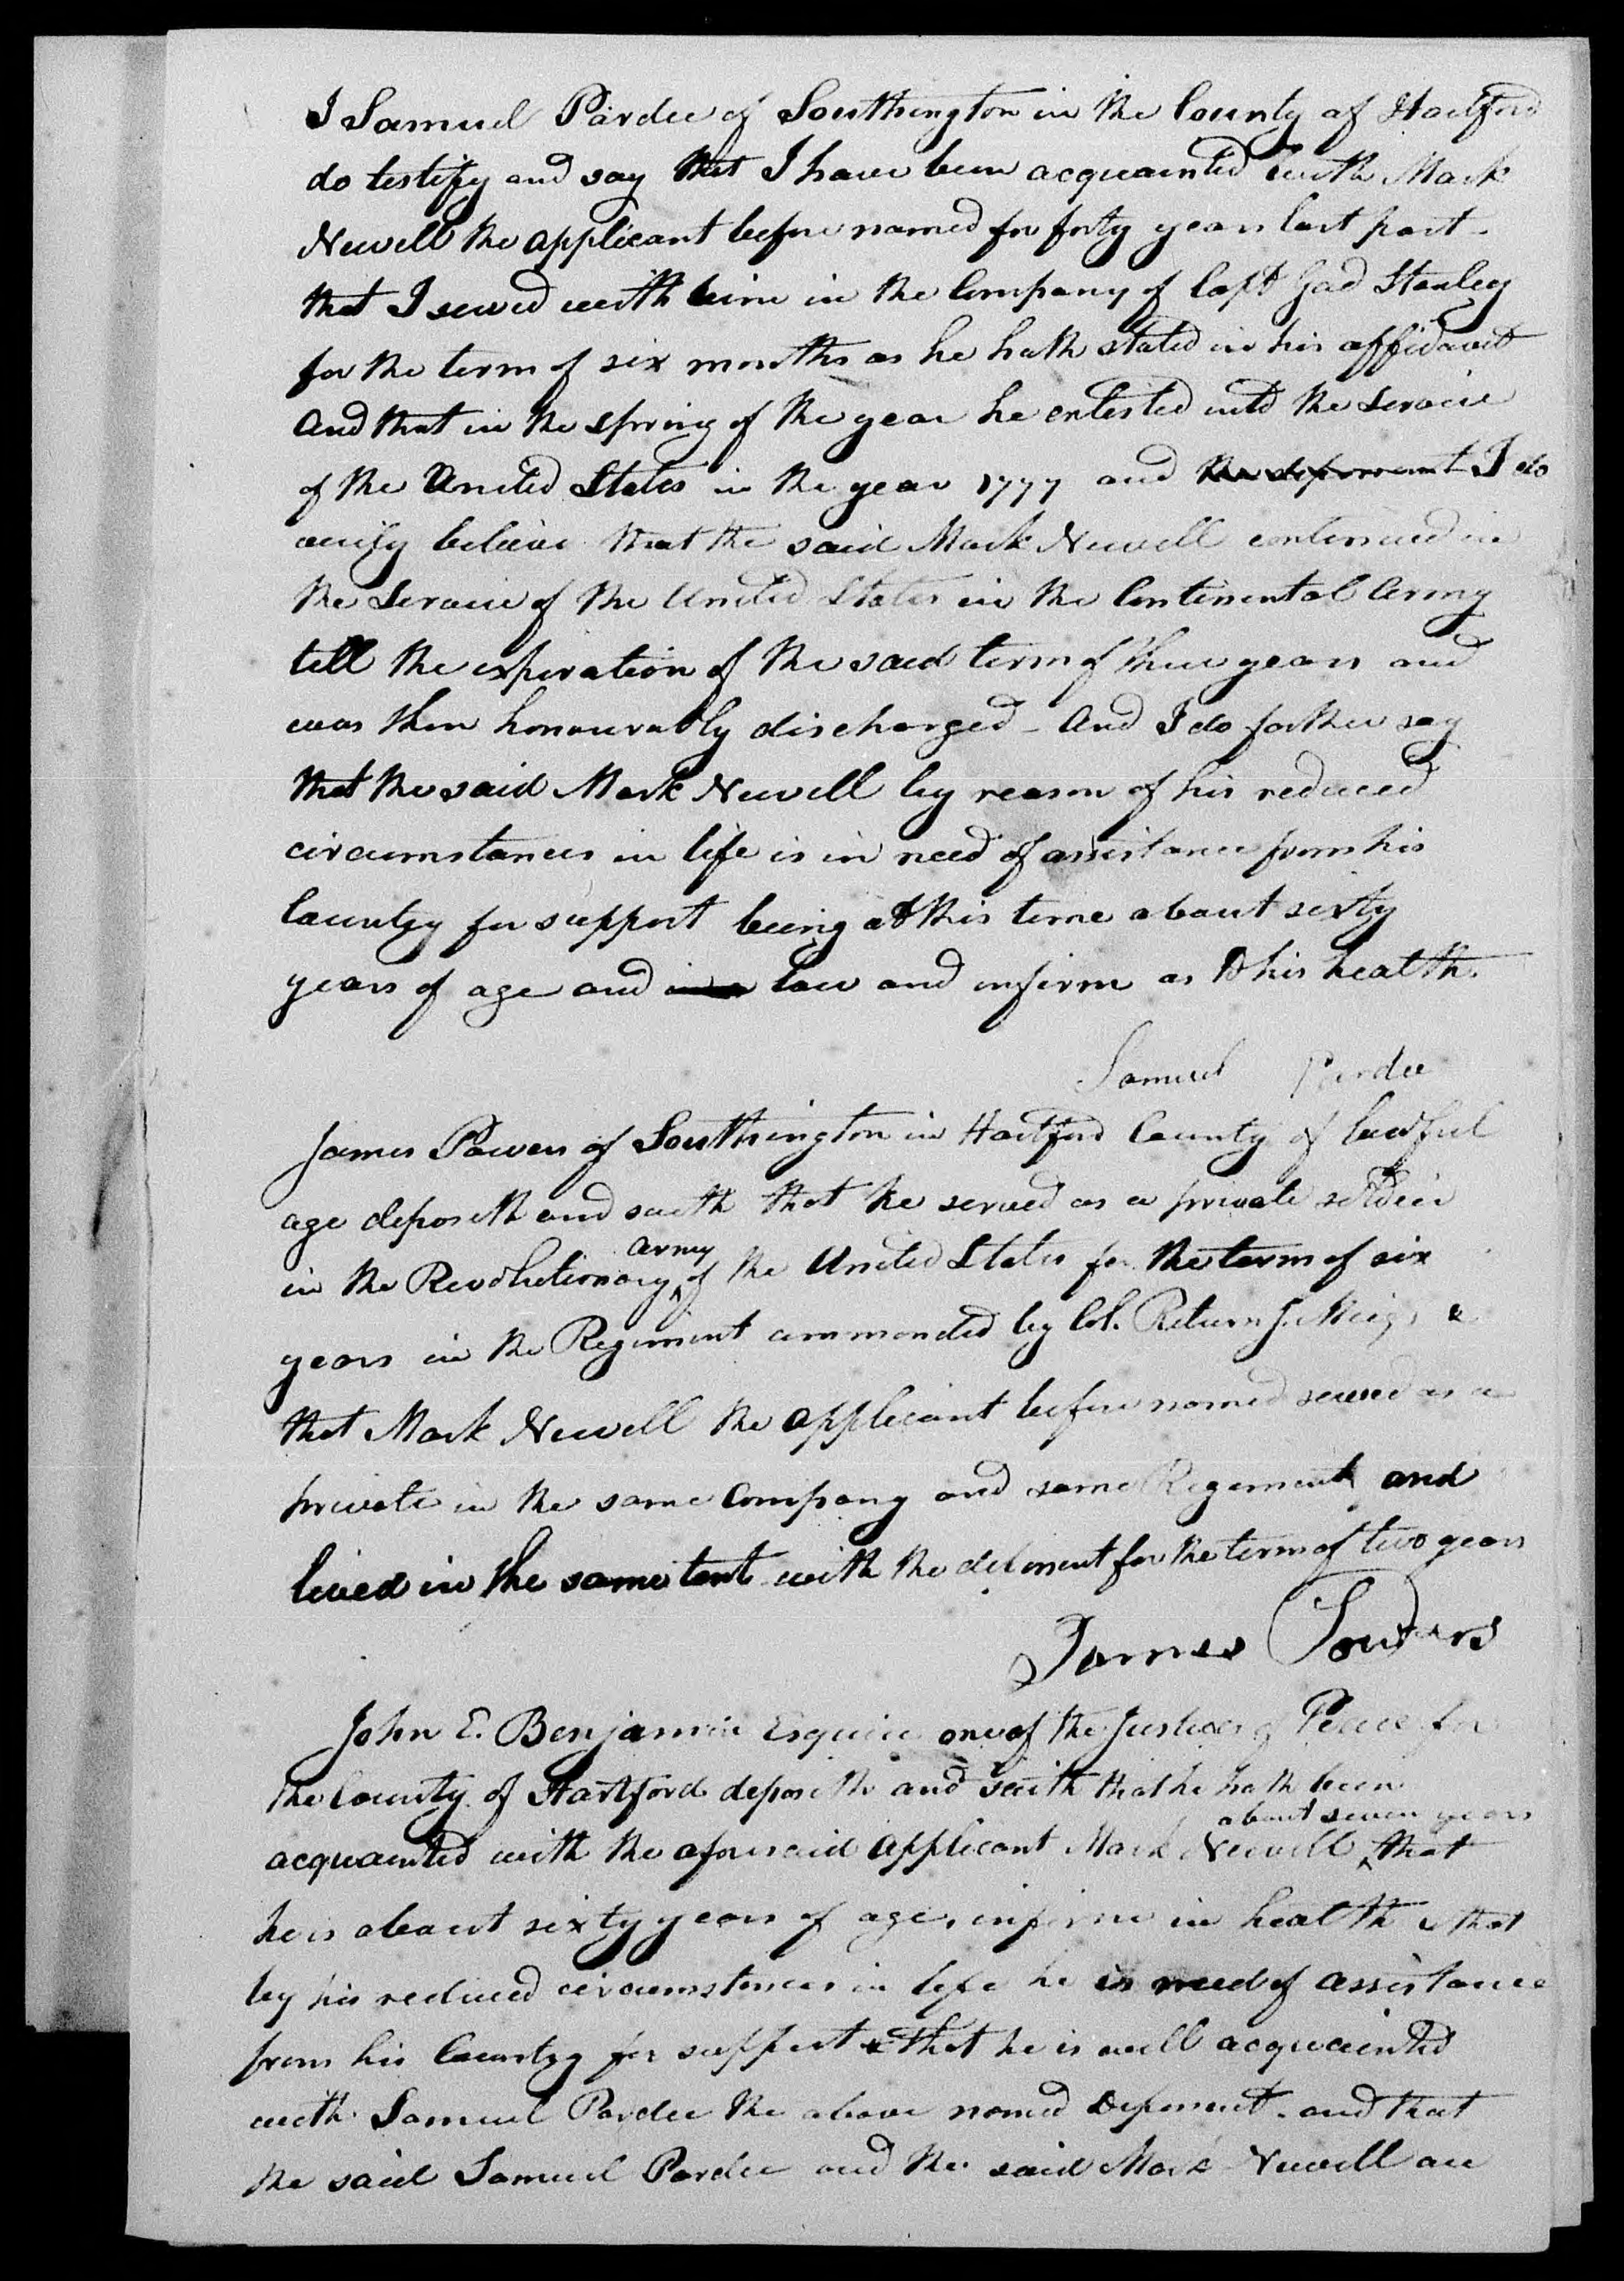I Samuel Pardee of Southington in the County of Hartford do testify and say that I have been acquainted with Mark Newell the applicant before named for forty years last part that I served with him in the Company of Capt Gad Stanley for the term of six months as he hath stated in his affidavit and that in the spring of the year he enlisted into the service of the United States in the year 1777 and that I do
verily believe that the said Mark Newell continued in the service of the United States in the Continental Army till the expiration of the said term of their years and was then honourably discharged. And I do further say
that the said Mark Newell by reason of his reduced circumstances in life is in need of assistance from his Country for support being at this time about sixty years of age and law and infirm as to his health.

Samuel Pardee

James Power of Southington in Hartford County of lawful age deposeth and saith that he served as a private soldier in the Revolutionary army of the United States for the term of six years in the Regiment commanded by Col Return J Meigs & that Mark Newell the applicant before named served as private in the same company and same Regiment and lived in the same tent with the deponent for the term of two years

James Powers

John E. Benjamin Esquire one of the Justice of Peace for the County of Hartford deposeth and saith that he hath been acquainted with the aforesaid applicant Mark Newell about seven years that he is about sixty years of age infirm in health that by his reduced circumstances in life he is need of assistance
from his country for support that he is well acquainted with Samuel Pardee the above named Deponent and that the said Samuel Pardee and the said Mark Newell are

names: John E Benjamin; Mark Newell; Gad Stanley; James Powers; J Meigs; Samuel Pardee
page: 7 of 9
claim: survivor's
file: S. 36190, for Mark Newell, Connecticut